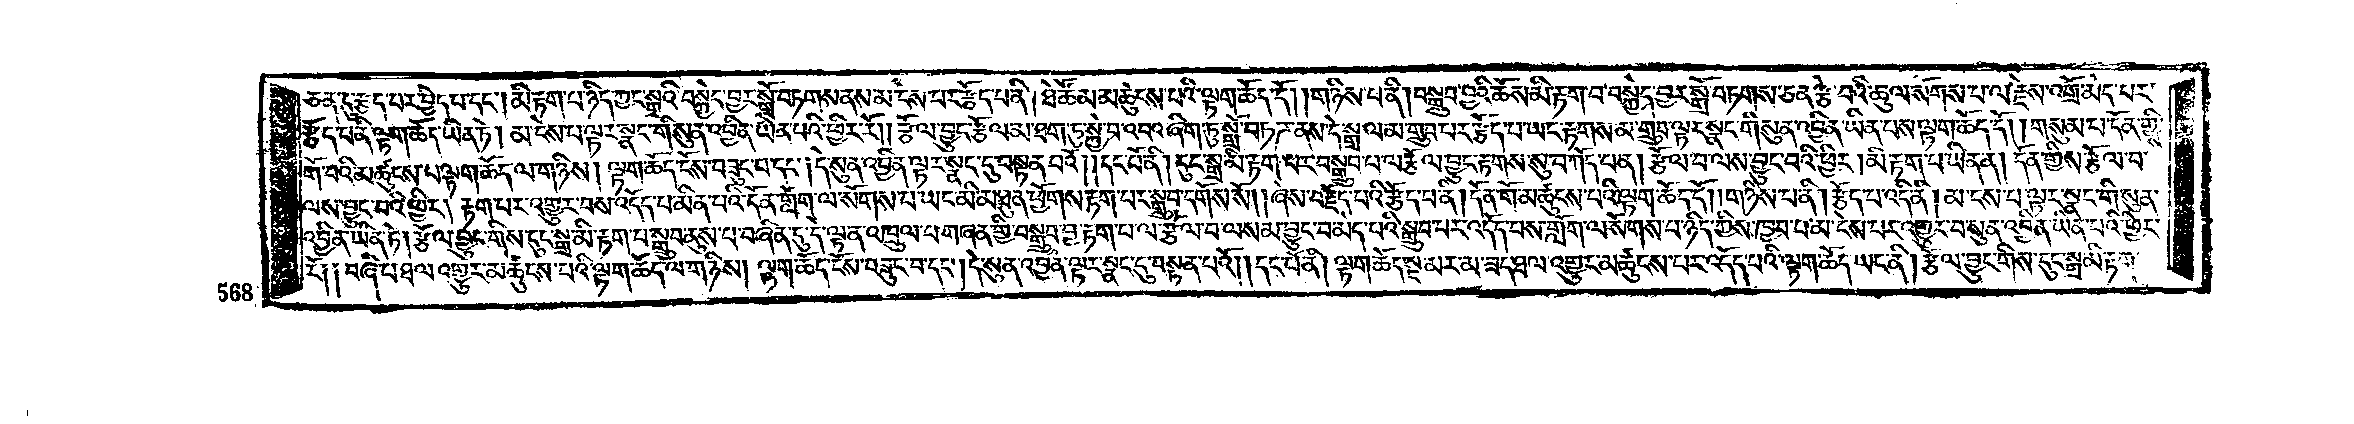ཅན་དུ་རྩད་པར་བྱིན་པ་དང་། མི་རྟག་པ་ཉིད་ཀྱང་སྒྲའི་བསྐྱེད་བྱར་སྒྲོ་བཏགས་ནས་མ་ངེས་པར་རྩོད་པ་ནི། ཐེ་ཚོམ་མཚུངས་པའི་ལྟག་ཆོད་དོ། །གཉིས་པ་ནི། བསྒྲུབ་ཡའི་ཆོས་མི་རྟག་པ་བསྐྱེད་བྱར་སྒྲོ་བཏགས་ཅན་རྩེ་བའི་ཆུ་ལ་སོགས་པ་ལ་རྗེས་འགྲོ་མེད་པར་
རྩོད་པ་ནི་ལྟག་ཆོད་ཡིན་ཏེ། མ་ངེས་པ་ལྟར་སྣང་གི་སུན་འབྱིན་ཡིན་པའི་ཕྱིར་རོ། །རྩོལ་བྱུང་རྩོལ་མ་ཐག་ཏུ་སྐྱེ་བ་འབའ་ཞིག་ཏུ་སྒྲོ་བཏགས་ནས་དེ་སྒྲ་ལ་མ་གྲུབ་པར་རྩོད་པ་ཡང་རྟགས་མ་གྲུབ་ལྟར་སྣང་གི་སུན་འབྱིན་ཡིན་པས་ལྟག་ཆོད་དོ། །གསུམ་པ་དོན་གྱིས་
གོ་བའི་མཚུངས་པ་ལྟག་ཆོད་ལ་གཉིས། ལྟག་ཆོད་ངོས་བཟུང་བ་དང་། དེ་སུན་འབྱིན་ལྟར་སྣང་དུ་བསྟན་པའོ། །དང་པོ་ནི། དུང་སྒྲ་མི་རྟག་པར་བསྒྲུབ་པ་ལ་རྩོལ་བྱུང་རྟགས་སུ་བཀོད་པ་ན། རྩོལ་བ་ལས་བྱུང་བའི་ཕྱིར། མི་རྟག་པ་ཡིན་ན། དོན་གྱིས་རྩོལ་བ་
ལས་བྱུང་བའི་ཕྱིར། རྟག་པར་འགྱུར་བས་འདོད་པ་མིན་པའི་དོན་གློག་ལ་སོགས་པ་ཡང་མི་མཐུ་ཕྱོགས་རྟག་པར་སྒྲུབ་དགོས་སོ། །ཞེས་བརྗོད་པའི་རྩོད་པ་ནི། དོན་གོ་མཚུངས་པའི་ལྟག་ཆོད་དོ། །གཉིས་པ་ནི། རྩོད་པ་འདི་ནི། མ་ངེས་པ་ལྟར་སྣང་གི་སུན་
འབྱིན་ཡིན་ཏེ། རྩོལ་བྱུང་གིས་དུང་སྒྲ་མི་རྟག་པ་སྒྲུབ་ནུས་པ་བཞིན་དུ་དེ་ལྟ་ན་འཁྲུལ་པ་གཞན་གྱི་བསྒྲུབ་བྱ་རྟག་པ་ལ་རྩོལ་བ་ལས་བྱུང་བ་མེད་པའི་སྒྲུབ་པར་འདོད་པས་གློག་ལ་སོགས་པ་ཉིད་ཀྱིས་ཁྱབ་པ་མ་ངེས་པར་འགྱུར་བ་སུན་འབྱིན་ཡིན་པའི་ཕྱིར་
རོ༑ ༑བཞི་པ་ཐལ་འགྱུར་མཚུངས་པའི་ལྟག་ཆོད་ལ་གཉིས། ལྟག་ཆོད་ངོས་བཟུང་བ་དང་། དེ་སུན་འབྱིན་ལྟར་སྣང་དུ་བསྟན་པའོ། །དང་པོ་ནི། ལྟག་ཆོད་སྔ་མར་མ་ཟད་ཐལ་འགྱུར་མཚུངས་པར་འདོད་པའི་ལྟག་ཆོད་ཡང་ནི། རྩོལ་བྱུང་གིས་དུང་སྒྲ་མི་རྟག་